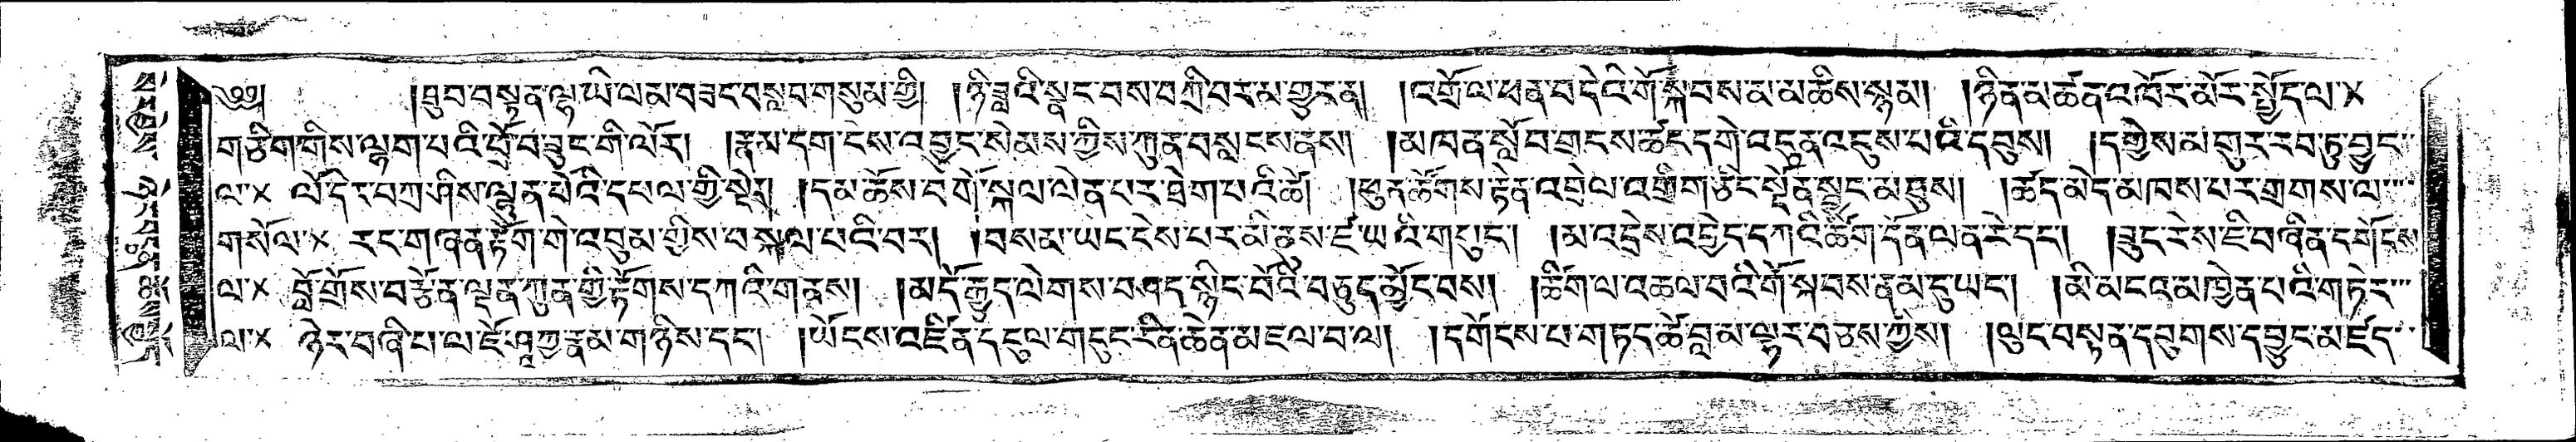༄༅། །ཐུབ་བསྟན་ལྷ་ཡི་ལམ་བཟང་བསླབ་གསུམ་གྱི། །ཉི་ཟླའི་སྣང་བས་བཀྲི་བར་མ་གྱུར་ན། །འགྲོ་ལ་ཕན་བདེའི་གོ་སྐབས་མ་མཆིས་སྙམ། །ཉིན་མཚན་འཁོར་མོར་སྤྱོད་ལ་{྾}
གཅིག་གིས་ལྷག་པའི་ཕྲོ་བ་ཟུང་གི་ལོར། །རྣམ་དག་ངེས་འབྱུང་སེམས་ཀྱིས་ཀུན་བསླངས་ནས། །མཁན་སློབ་གྲངས་ཚང་དགེ་འདུན་འདུས་པའི་དབུས། །དགྱེས་མགུར་རབ་ཏུ་བྱུང་
ལ་{྾}་ལོ་དེར་བཀྲ་ཤིས་ལྷུན་པོའི་དཔལ་གྱི་སྡེར། །དམ་ཆོས་བགོ་སྐལ་ལེན་པར་ཐེག་པའི་ཚེ། །ཕུན་ཚོགས་རྟེན་འབྲེལ་འགྲིག་ཅིང་སྔོན་སྦྱང་མཐུས། །ཚད་མེད་མཁས་པར་གྲགས་ལ་
གསོལ་{྾}་རང་གཞན་རྟོག་གེ་འབུམ་གྱིས་བསྐལ་བའི་བར། །བསམ་ཡང་ངེས་པར་མི་ནུས་ཛ་ཡའི་གསུང་། །མ་འདྲེས་འབྱེད་དཀའི་ཚིག་དོན་ལན་རེ་དང་། །ཟུང་རེས་ཇི་བཞིན་དགོངས་
ལ་{྾}་བློ་གྲོས་བརྩོན་ལྡན་ཀུན་གྱི་རྟོགས་དཀའི་གནས། །མདོ་རྒྱུད་ལེགས་བཤད་སྙིང་བོའི་བཅུད་མྱོང་བས། །ཚིག་ལ་འཆལ་བའི་གོ་སྐབས་ནམ་དུ་ཡང་། །མི་མངའ་མཁྱེན་པའི་གཏེར་
ལ་{྾}་ཉེར་བཞི་པ་ལ་ཇོ་ཤཱཀྱ་རྣམ་གཉིས་དང་། །ཡོངས་འཛིན་དངུལ་གདུང་རིན་ཆེན་མཇལ་བ་ལ། །དགོངས་པ་གཏད་ཚེ་བླ་མ་ལྷར་བཅས་ཀྱིས། །ལུང་བསྟན་དབུགས་དབྱུང་མཛད་